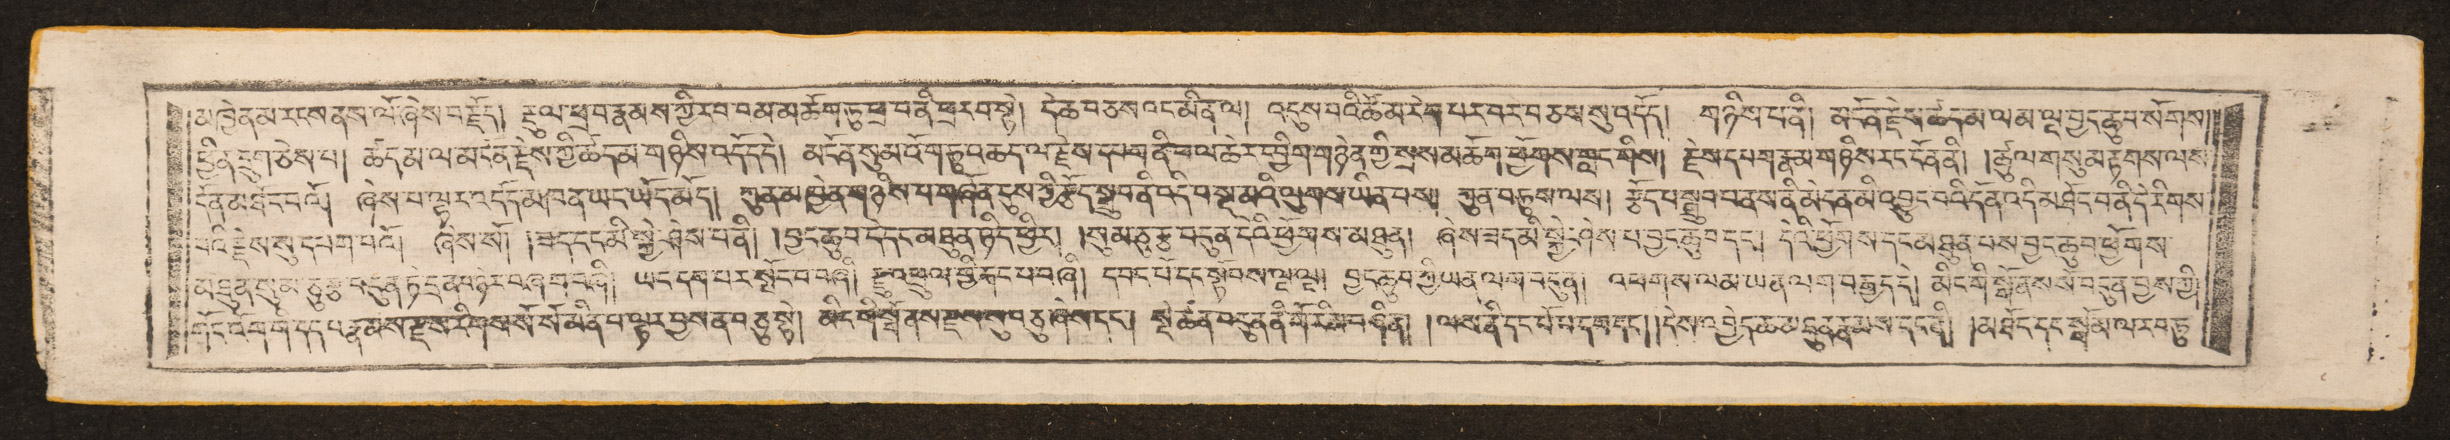མཁྱེན་མ་རངས་ནས་ལོ་ཞེས་བརྗོད། རྡུལ་ཕྲ་བ་རྣམས་ཀྱི་རབ་བམ་མཆོག་ཏུ་ཕྲ་བ་ནི་ཕྲ་རབ་སྟེ། དེ་ཆ་བཅས་འང་མིན་ལ། འདུས་པའི་ཚེ་མ་རེག་པར་བར་བཅས་སུ་འདོད། གཉིས་པ་ནི། མངོན་རྗེས་ཚད་མ་ལམ་ལྔ་བྱང་ཆུབ་སོགས།།
ཕྱིན་དྲུག་ཅེས་པ། ཚད་མ་ལ་མངོན་རྗེས་ཀྱི་ཚད་མ་གཉིས་འདོད་དེ། མངོན་སུམ་འོག་ཏུ་འཆད་ལ་རྗེས་དཔག་ནི་ཕལ་ཆེར་དབྱིག་གཉེན་གྱི་སྲས་མཆོག་ཕྱོགས་གླང་གིས། རྗེས་དཔག་རྣམ་གཉིས་རང་དོན་ནི། །ཚུལ་གསུམ་རྟགས་ལས་
དོན་མཐོང་བའོ། ཞེས་པ་ལྟར་འདོད་མཁན་ཡང་ཡོད་མོད། ཀུན་མཁྱེན་གཉིས་པ་གཞོན་དུས་ཀྱི་རྩོད་སྒྲུབ་ནི་འདི་པ་སྔ་མའི་ལུགས་ཡིན་པས། ཀུན་བཏུས་ལས། རྩོད་པ་སྒྲུབ་པ་ནས་ནི་མེད་ན་མི་འབྱུང་བའི་དོན་འདི་མཐོང་བ་ནི་དེ་རིགས་
པའི་རྗེས་སུ་དཔག་པའོ། ཞེས་སོ། །ཟད་དང་མི་སྐྱེ་ཤེས་པ་ནི། །བྱང་ཆུབ་དེ་དང་མཐུན་ཉིད་ཕྱིར། །སུམ་ཅུ་རྩ་བདུན་དེའི་ཕྱོགས་མཐུན། ཞེས་ཟད་མི་སྐྱེ་ཤེས་པ་བྱང་ཆུབ་དང་། དེའི་ཕྱོགས་དང་མཐུན་པས་བྱང་ཆུབ་ཕྱོགས་
མཐུན་སུམ་ཅུ་རྩ་བདུན་ཏེ་དྲན་པ་ཉེར་བཞག་བཞི། ཡང་དག་པར་སྤོང་བ་བཞི། རྫུ་འཕྲུལ་གྱི་རྐང་པ་བཞི། དབང་པོ་དང་སྟོབས་ལྔ་ལྔ། བྱང་ཆུབ་ཀྱི་ཡན་ལག་བདུན། འཕགས་ལམ་ཡན་ལག་བརྒྱད་དེ། མིང་གི་སྒོ་ནས་སོ་བདུན་བྱས་ཀྱི།
གོང་འོག་གི་དད་པ་རྣམས་རྫས་རིགས་སོ་སོ་མིན་པ་ལྟར་བྱས་ན་བཅུ་སྟེ། མིང་གི་སྒོ་ནས་རྫས་སུ་བཅུ་ཞེས་དང་། སྡེ་ཆེན་བདུན་ནི་གོ་རིམ་བཞིན། །ལས་ནི་དང་པོ་པ་དག་དང་། །དེས་འབྱེད་ཆ་མཐུན་རྣམས་དང་ནི། །མཐོང་དང་སྒོམ་ལ་རབ་ཏུ་